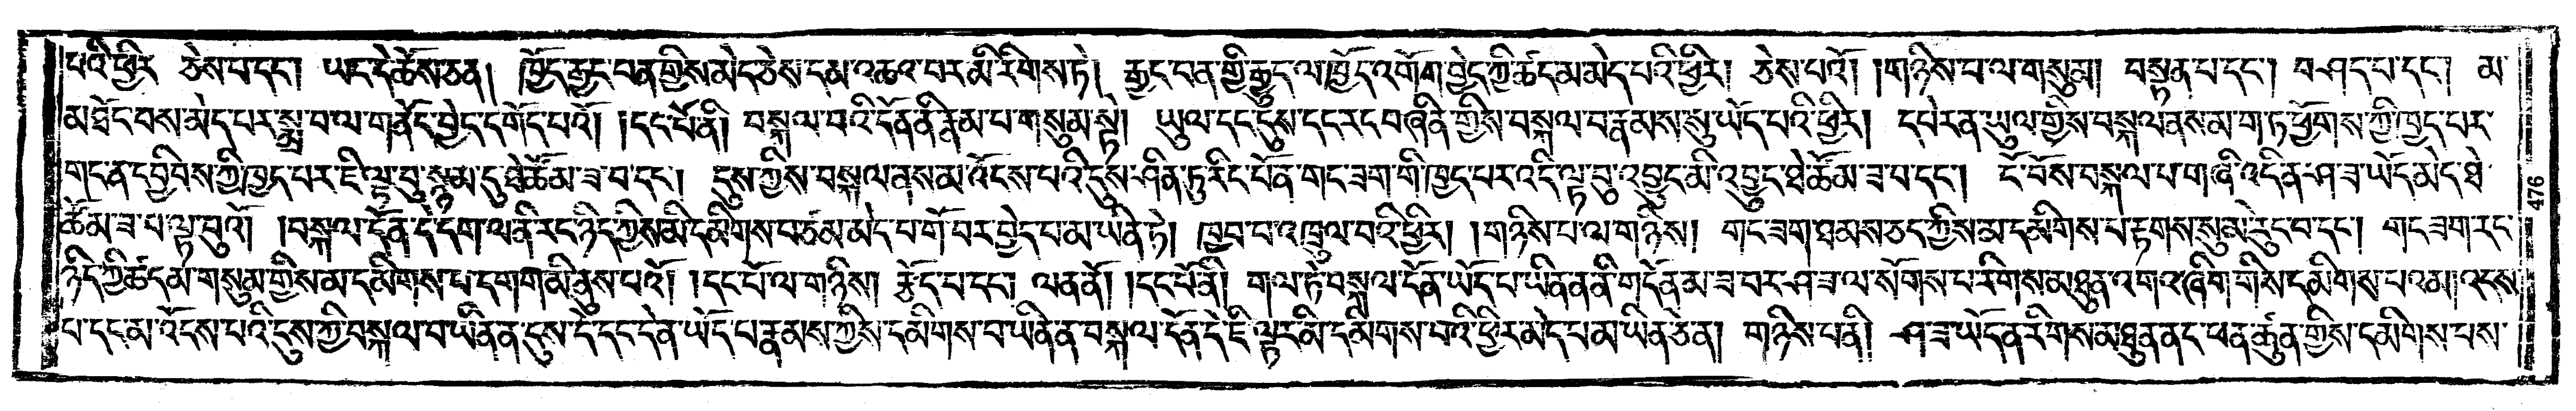པའི་ཕྱིར་ཅེས་པ་དང་། ཡང་དེ་ཆོས་ཅན། ཁྱོད་རྒྱང་པན་གྱིས་མེད་ཅེས་དམ་འཆའ་བར་མི་རིགས་ཏེ། རྒྱང་པན་གྱི་རྒྱུད་ལ་ཁྱོད་འགོག་བྱེད་ཀྱི་ཚད་མ་མེད་པའི་ཕྱིར། ཅེས་པའོ། །གཉིས་པ་ལ་གསུམ། བསྟན་པ་དང་། བཤད་པ་དང་། མ་
མཐོང་བས་མེད་པར་སྨྲ་བ་ལ་གནོད་བྱེད་དགོད་པའོ། །དང་པོ་ནི། བསྐལ་པའི་དོན་ནི་རྣམ་པ་གསུམ་སྟེ། ཡུལ་དང་དུས་དང་རང་བཞིན་གྱིས་བསྐལ་པ་རྣམས་སུ་ཡོད་པའི་ཕྱིར། དཔེར་ན་ཡུལ་གྱིས་བསྐལ་ནས་མ་ག་ཏ་ཕྱོགས་ཀྱི་ཁྱད་པར་
གང་ན་དབྱིབས་ཀྱི་ཁྱད་པར་ཇི་ལྟ་བུ་སྙམ་དུ་ཐེ་ཚོམ་ཟ་བ་དང་། དུས་ཀྱིས་བསྐལ་ནས་མ་འོངས་པའི་དུས་ཤིན་ཏུ་རིང་པོ་ན་གང་ཟག་གི་ཁྱད་པར་འདི་ལྟ་བུ་འབྱུང་མི་འབྱུང་ཐེ་ཚོམ་ཟ་བ་དང་། ངོ་བོས་བསྐལ་པ་གཞི་འདི་ན་ཤ་ཟ་ཡོད་མེད་ཐེ་
ཚོམ་ཟ་བ་ལྟ་བུའོ། །བསྐལ་དོན་དེ་དག་ལ་ནི་རང་ཉིད་ཀྱིས་མི་དམིགས་པ་ཙམ་མེད་པ་གོ་བར་བྱེད་པ་མ་ཡིན་ཏེ། ཁྱབ་པ་འཁྲུལ་པའི་ཕྱིར། །གཉིས་པ་ལ་གཉིས། གང་ཟག་ཐམས་ཅད་ཀྱིས་མ་དམིགས་པ་རྟགས་སུ་མི་རུང་བ་དང་། གང་ཟག་རང་
ཉིད་ཀྱི་ཚད་མ་གསུམ་གྱིས་མ་དམིགས་པ་དགག་མི་ནུས་པའོ། །དང་པོ་ལ་གཉིས། རྩོད་པ་དང་། ལན་ནོ། །དང་པོ་ནི། གལ་ཏེ་བསྐལ་དོན་ཡོད་པ་ཡིན་ན་ནི་གདོན་མ་ཟ་བར་ཤ་ཟ་ལ་སོགས་པ་རིགས་མཐུན་འགའ་ཞིག་གིས་དམིགས་པའམ། འདས་
པ་དང་མ་འོངས་པའི་དུས་ཀྱི་བསྐལ་པ་ཡིན་ན་དུས་དེ་དང་དེ་ན་ཡོད་པ་རྣམས་ཀྱིས་དམིགས་པ་ཡིན་ན་བསྐལ་དོན་དེ་ཇི་ལྟར་མི་དམིགས་པའི་ཕྱིར་མེད་པ་མ་ཡིན་ཅེ་ན། གཉིས་པ་ནི། ཤ་ཟ་ཡོད་ན་རིགས་མཐུན་ནང་ཕན་ཚུན་གྱིས་དམིགས་པས་